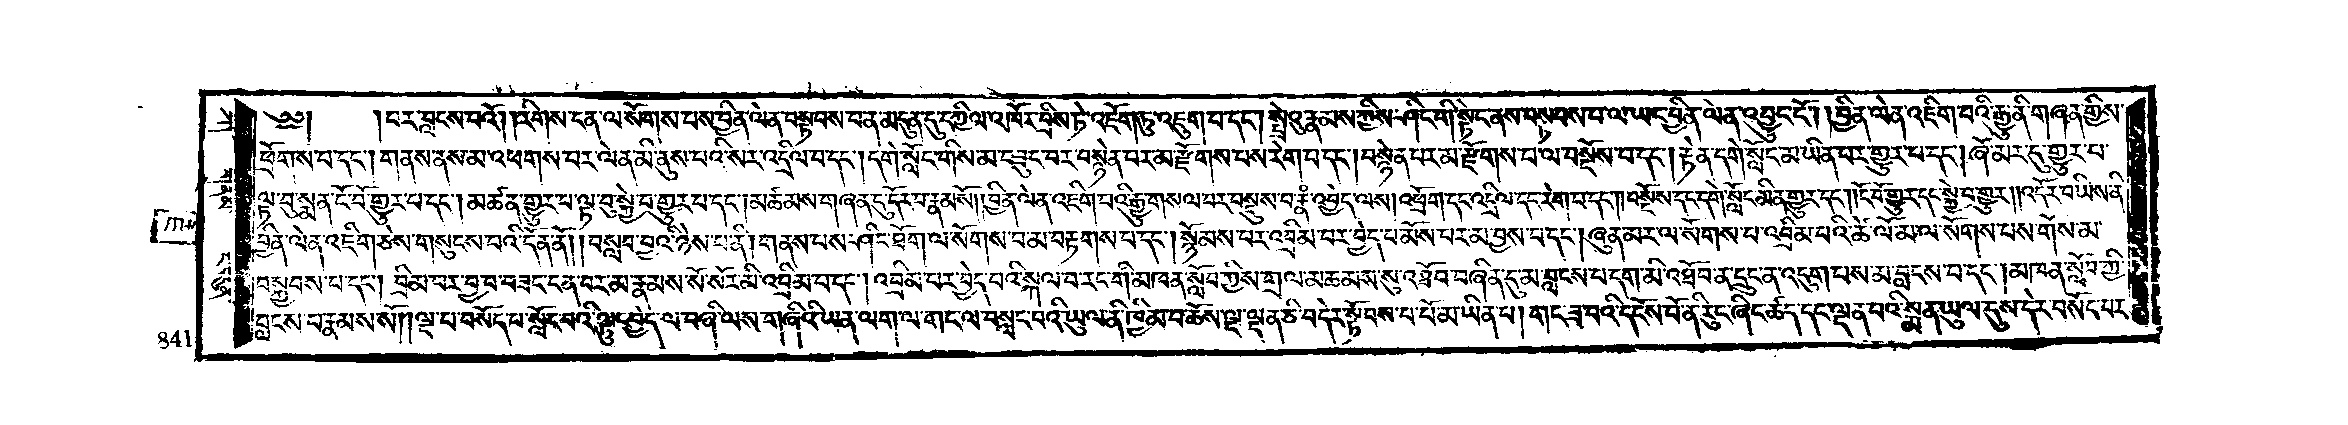༄༅། །པར་བླངས་བའོ། །རིགས་ངན་ལ་སོགས་པས་བྱིན་ལེན་བསྟབས་པ་ན་མདུན་དུ་དཀྱིལ་འཁོར་བྲིས་ཏེ་འཇོག་ཏུ་འཇུག་པ་དང་། སྤྲེའུ་རྣམས་ཀྱིས་ཤིང་གི་སྟེང་ནས་བསྟབས་པ་ལ་ཡང་བྱིན་ལེན་འབྱུང་ངོ། །བྱིན་ལེན་འཇིག་པའི་རྒྱུ་ནི་གཞན་གྱིས་
ཕྲོགས་པ་དང་། གནས་ནས་མ་འཕགས་པར་ལེན་མི་ནུས་པའི་སར་འདྲིལ་བ་དང་། དགེ་སློང་གིས་མ་བཟུང་བར་བསྙེན་པར་མ་རྫོགས་པས་རེག་པ་དང་། བསྙེན་པར་མ་རྫོགས་པ་ལ་བསྔོས་པ་དང་། རྟེན་དགེ་སློང་མ་ཡིན་པར་གྱུར་པ་དང་། ཞོ་མར་དུ་གྱུར་པ་
ལྟ་བུ་སྨན་ངོ་བོ་གྱུར་པ་དང་། མཚན་གྱུར་པ་ལྟ་བུ་སྐྱེ་བ་གྱུར་པ་དང་། མཚམས་གཞན་དུ་དོར་བ་རྣམས་སོ། །བྱིན་ལེན་འཇིག་པའི་རྒྱུ་གསལ་བར་བསྡུས་པ་རྣཾ་འབྱེད་ལས། འཕྲོག་དང་འདྲིལ་དང་རེག་པ་དང་། །བསྔོས་དང་དགེ་སློང་མིན་གྱུར་དང་། །ངོ་བོ་གྱུར་དང་སྐྱེ་བ་གྱུར། །འདོར་བ་ཡིས་ནི་
བྱིན་ལེན་འཇིག་ཅེས་གསུངས་པའི་དོན་ནོ། །བསླབ་བྱའི་ཉེས་པ་ནི། གནས་པས་ཤིང་ཐོག་ལ་སོགས་པ་མ་བརྟགས་པ་དང་། སྙོམས་པར་འབྲིམ་པར་བྱེད་པ་མོས་པར་མ་བྱས་པ་དང་། ཞུན་མར་ལ་སོགས་པ་འབྲིམ་པའི་ཚེ་ལོ་མ་ལ་སོགས་པས་གོས་མ་
བསྐྱབས་པ་དང་། བྲིམ་པར་བྱ་བ་བཟང་ངན་བར་མ་རྣམས་སོ་སོར་མི་འབྲིམ་པ་དང་། འབྲིམ་པར་བྱེད་པའི་སྐལ་བ་རང་གི་མཁན་སློབ་ཀྱིས་གྲལ་མཚམས་སུ་འཐོབ་བཞིན་དུ་མ་བླངས་པ་དག་མི་འཐོབ་ན་དྲུང་ན་འདུག་པས་མ་བླངས་པ་དང་། མཁན་སློབ་ཀྱི་
བླངས་པ་རྣམས་སོ། །ལྔ་པ་བསོད་པ་སློང་བའི་ལྟུང་བྱེད་ལ་བཞི་ལས་གཞིའི་ཡན་ལག་ལ་གང་ལ་བསླང་བའི་ཡུལ་ནི་ཁྱིམ་པ་ཆོས་ལྔ་ལྡན་ཅི་བདེར་སྟོབས་པ་པོ་མ་ཡིན་པ། གང་ཟ་བའི་དངོས་པོ་ནི་རུང་ཞིང་ཚད་དང་ལྡན་པའི་སྨན་ཡུལ་དུས་དེར་བསོང་པར་